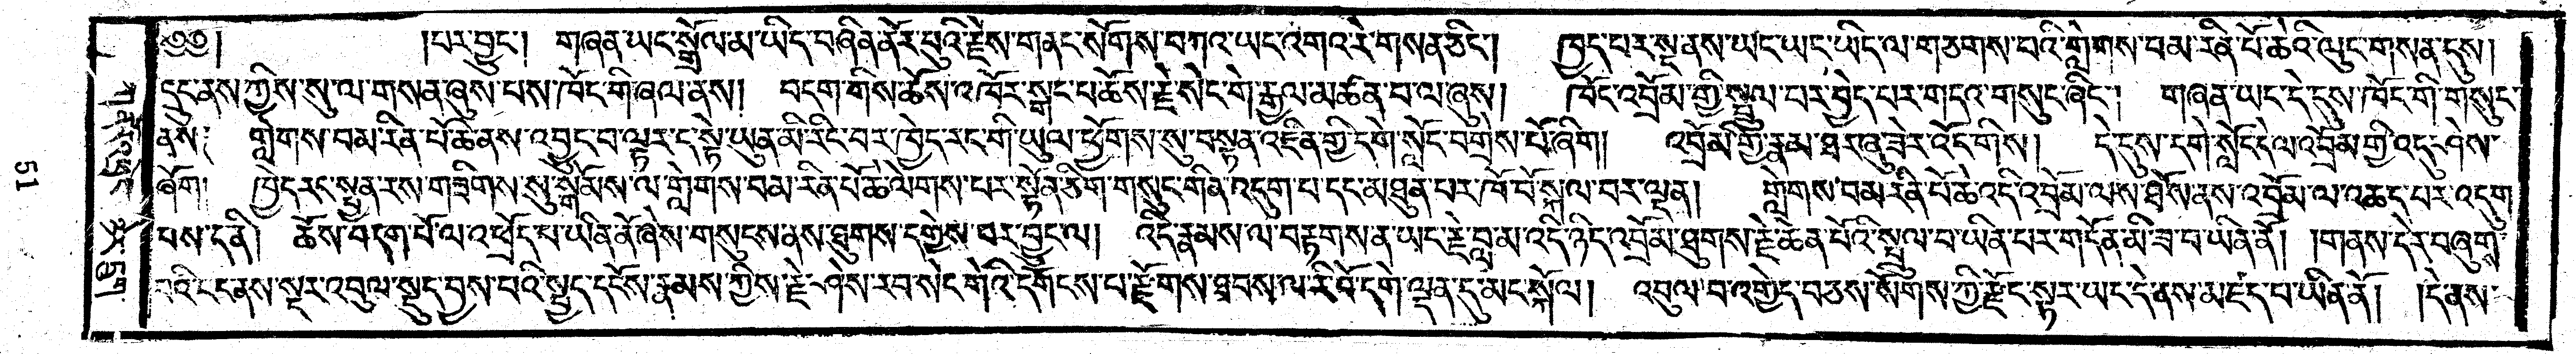༄༅། །པར་བྱུང་། གཞན་ཡང་སྒྲོལ་མ་ཡིད་བཞིན་ནོར་བུའི་རྗེས་གནང་སོགས་བཀའ་ཡང་འགའ་རེ་གསན་ཅིང་། ཁྱད་པར་སྔ་ནས་ཡང་ཡང་ཡིད་ལ་གཅགས་པའི་གླེགས་བམ་རིན་པོ་ཆེའི་ལུང་གསན་དུས།
དྲུང་ནས་ཀྱིས་སུ་ལ་གསན་ཞུས་པས་ཁོང་གི་ཞལ་ནས། བདག་གིས་ཆོས་འཁོར་སྒང་པ་ཆོས་རྗེ་སེང་གེ་རྒྱལ་མཚན་བ་ལ་ཞུས། ཁོང་འབྲོམ་གྱི་སྤྲུལ་བར་བྱེད་པར་གདའ་གསུང་ཞིང་། གཞན་ཡང་དེ་དུས་ཁོང་གི་གསུང་
ནས༑ གླེགས་བམ་རིན་པོ་ཆེ་ནས་འབྱུང་བ་ལྟར་ད་སྟེ་ཡུན་མི་རིང་བར་ཁྱེད་རང་གི་ཡུལ་ཕྱོགས་སུ་བསྟན་འཛིན་གྱི་དགེ་སློང་བགྲེས་པོ་ཞིག། འབྲོམ་གྱི་རྣམ་ཐར་ཞུ་ཟེར་འོད་གིས། དེ་དུས་དགེ་སློང་དེ་ལ་འབྲོམ་གྱི་འདུ་ཤེས་
ཞོག། ཁྱེད་རང་སྤྱན་རས་གཟིགས་སུ་སྒོམས་ལ་གླེགས་བམ་རིན་པོ་ཆེ་ལེགས་པར་སྟོན་ཅིག་གསུང་གིན་འདུག་པ་དང་མཐུན་པར་ཁོ་བོ་སྐལ་བར་ལྡན། གླེགས་བམ་རིན་པོ་ཆེ་འདི་འབྲོམ་ལས་ཐོས་ནས་འབྲོམ་ལ་འཆད་པར་འདུག་
པས་ད་ནི། ཆོས་བདག་པོ་ལ་འཕྲོད་པ་ཡིན་ནོ་ཞེས་གསུངས་ནས་ཐུགས་དགྱེས་བར་བྱུང་ལ། འདི་རྣམས་ལ་བརྟགས་ན་ཡང་རྗེ་བླ་མ་འདི་ཉིད་འབྲོམ་ཐུགས་རྗེ་ཆེན་པོའི་སྤྲུལ་བ་ཡིན་པར་གདོན་མི་ཟ་བ་ཡིན་ནོ། །གནས་དེར་བཞུགས་
བའི་ངང་ནས་སྔར་འབུལ་སྡུད་བྱས་པའི་སྤྱད་དངོས་རྣམས་ཀྱིས་རྗེ་ཤེས་རབ་སེང་གེའི་དགོངས་པ་རྫོགས་ཐབས་ལ་རི་བོ་དགེ་ལྡན་དུ་མང་སྐོལ། འབུལ་བ་འགྱེད་བཅས་སོགས་ཀྱི་རྫོང་སྟར་ཡང་དེ་ནས་མཛད་པ་ཡིན་ནོ། །དེ་ནས་